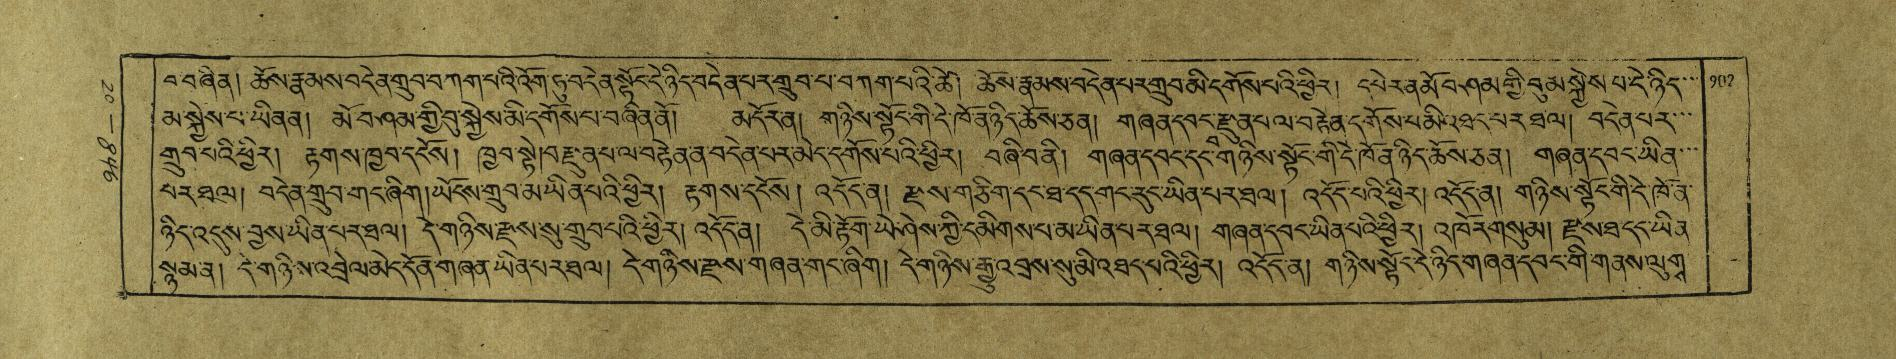བ་བཞིན། ཆོས་རྣམས་བདེན་གྲུབ་བཀག་པའི་འོག་ཏུ་བདེན་སྟོང་དེ་ཉིད་བདེན་པར་གྲུབ་པ་བཀག་པའི་ཚེ། ཆོས་རྣམས་བདེན་པར་གྲུབ་མི་དགོས་པའི་ཕྱིར། དཔེར་ན་མོ་བཤམ་གྱི་བུ་མ་སྐྱེས་པ་དེ་ཉིད་
མ་སྐྱེས་པ་ཡིན་ན། མོ་བཤམ་གྱི་བུ་སྐྱེས་མི་དགོས་པ་བཞིན་ནོ། མདོར་ན། གཉིས་སྟོང་གི་དེ་ཁོ་ན་ཉིད་ཆོས་ཅན། གཞན་དབང་རྫུན་པ་ལ་བརྟེན་དགོས་པ་མི་འཐད་པར་ཐལ། བདེན་པར་
གྲུབ་པའི་ཕྱིར། རྟགས་ཁྱབ་དངོས། ཁྱབ་སྟེ། བརྫུན་པ་ལ་བརྟེན་ན་བདེན་པར་མེད་དགོས་པའི་ཕྱིར། བཞི་བ་ནི། གཞན་དབང་དང་གཉིས་སྟོང་གི་དེ་ཁོ་ན་ཉིད་ཆོས་ཅན། གཞན་དབང་ཡིན་
པར་ཐལ། བདེན་གྲུབ་གང་ཞིག །ཡོངས་གྲུབ་མ་ཡིན་པའི་ཕྱིར། རྟགས་དངོས། འདོད་ན། རྫས་གཅིག་དང་ཐ་དད་གང་རུང་ཡིན་པར་ཐལ། འདོད་པའི་ཕྱིར། འདོད་ན། གཉིས་སྟོང་གི་དེ་ཁོ་ན་
ཉིད་འདུས་བྱས་ཡིན་པར་ཐལ། དེ་གཉིས་རྫས་སུ་གྲུབ་པའི་ཕྱིར། འདོད་ན། དེ་མི་རྟོག་ཡེ་ཤེས་ཀྱི་དམིགས་པ་མ་ཡིན་པར་ཐལ། གཞན་དབང་ཡིན་པའི་ཕྱིར། འཁོར་གསུམ། རྫས་ཐ་དད་ཡིན་
སྙམ་ན། དེ་གཉིས་འབྲེལ་མེད་དོན་གཞན་ཡིན་པར་ཐལ། དེ་གཉིས་རྫས་གཞན་གང་ཞིག །དེ་གཉིས་རྒྱུ་འབྲས་སུ་མི་འཐད་པའི་ཕྱིར། འདོད་ན། གཉིས་སྟོང་དེ་ཉིད་གཞན་དབང་གི་གནས་ལུགས་